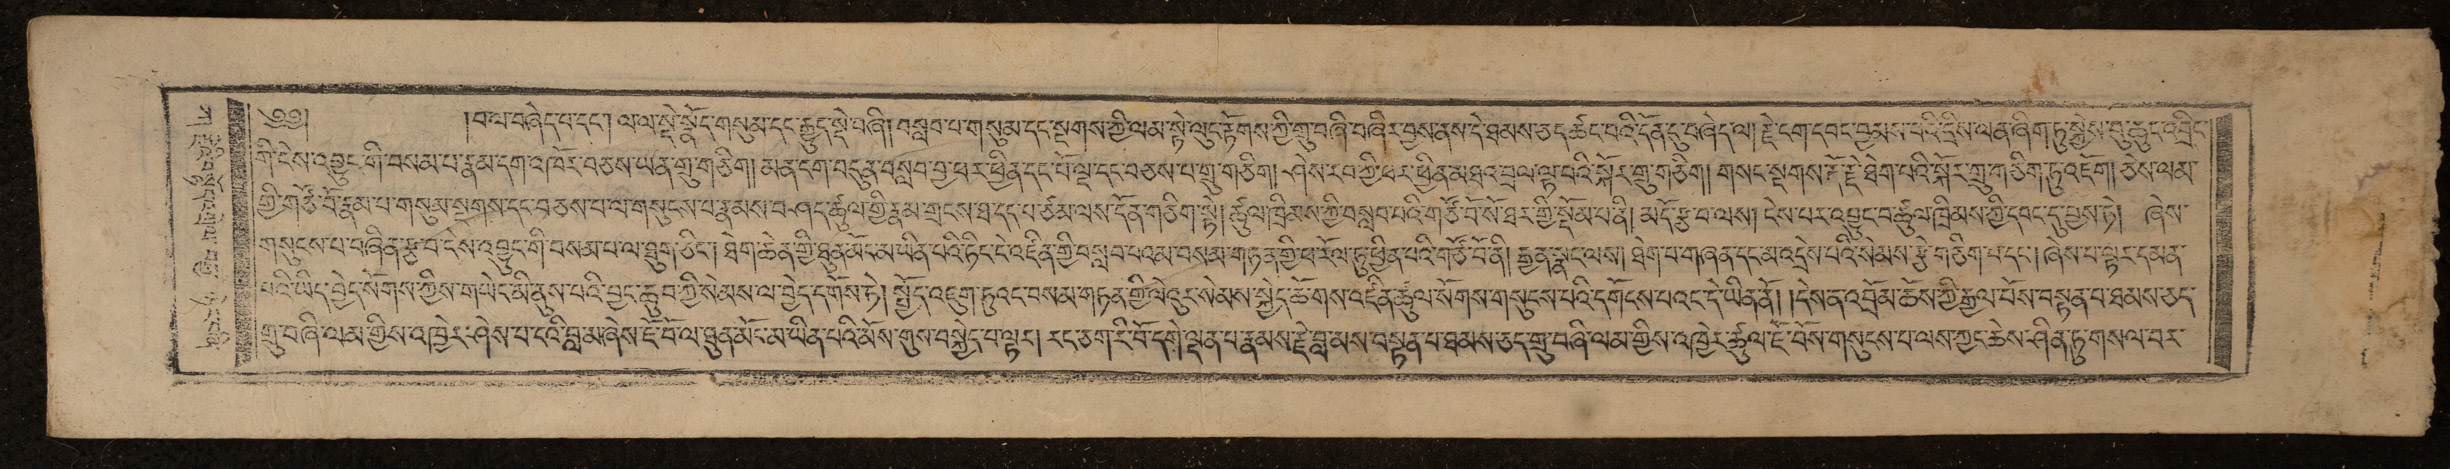༄༅། །བ་ལ་བཞེད་པ་དང་། ལ་ལ་སྡེ་སྣོད་གསུམ་དང་རྒྱུད་སྡེ་བཞི། བསླབ་པ་གསུམ་དང་སྔགས་ཀྱི་ལམ་སྟེ་ལུང་རྟོགས་ཀྱི་གྲུ་བཞི་བཞིར་བྱས་ནས་དེ་ཐམས་ཅད་ཚང་བའི་དོན་དུ་བཞེད་ལ། རྗེ་ངག་དབང་བྱམས་པའི་དྲིས་ལན་ཞིག་ཏུ་སྐྱེས་བུ་ཆུང་འབྲིང་
གི་ངེས་འབྱུང་གི་བསམ་པ་རྣམ་དག་འཁོར་བཅས་ཡན་གྲུ་གཅིག། མན་ངག་བདུན་བསླབ་བྱ་ཕར་ཕྱིན་དང་པོ་ལྔ་དང་བཅས་པ་གྲུ་གཅིག། ཤེས་རབ་ཀྱི་ཕར་ཕྱིན་མཐའ་བོ་ལྡ་དང་བཅས་པ་གྲུ་གཅིག། ཤེས་རབ་ཀྱི་ཕར་ཕྱིན་མཐའ་བྲལ་ལྟ་བའི་སྐོར་གྲུ་གཅིག། གསང་སྔགས་རྡོ་རྗེ་ཐེག་པའི་སྐོར་གྲུ་གཅིག་ཏུ་འཇོག། ཅེས་ལམ་
གྱི་གཙོ་བོ་རྣམ་པ་གསུམ་སྔགས་དང་བཅས་པ་ལ་གསུངས་པ་རྣམས་བཤད་ཚུལ་གྱི་རྣམ་གྲངས་ཐ་དད་པ་ཙམ་ལས་དོན་གཅིག་སྟེ། ཚུལ་ཁྲིམས་ཀྱི་བསླབ་པའི་གཙོ་བོ་སོ་ཐར་གྱི་སྡོམ་པ་ནི། མདོ་རྩམ་བ་ལས། ངེས་པར་འབྱུང་བ་ཚུལ་ཁྲིམས་ཀྱི་དབང་དུ་བྱས་ཏེ། ཞེས་
གསུངས་པ་བཞིན་རྩ་བ་ངེས་འབྱུང་གི་བསམ་པ་ལ་ཐུག་ཅིང་། ཐེག་ཆེན་གྱི་ཐུན་མོང་མ་ཡིན་པའི་ཏིང་ངེ་འཛིན་གྱི་བསླབ་བའམ་བསམ་གཏན་གྱི་ཕ་རོལ་ཏུ་ཕྱིན་པའི་གཙོ་བོ་ནི། རྒྱན་སྣང་ལས། ཐེག་པ་གཞན་དང་མ་འདྲེས་པའི་སེམས་རྩེ་གཅིག་པ་དང་། ཞེས་པ་ལྟར་དམན་
པའི་ཡིད་བྱེད་སོགས་ཀྱིས་གཡེང་མི་ནུས་པའི་བྱང་ཆུབ་ཀྱི་སེམས་ལ་བྱེད་དགོས་ཏེ། སྤྱོད་འཇུག་ཏུའང་བསམ་གཏན་གྱི་ལེའུར་སེམས་བསྐྱེད་ཆོགས་འཛིན་ཚུལ་སོགས་གསུངས་པའི་དགོངས་པའང་དེ་ཡིན་ནོ། །དེས་ན་འབྲོམ་ཆོས་ཀྱི་རྒྱལ་པོས་བསྟན་པ་ཐམས་ཅད་
གྲུ་བཞི་ལམ་གྱིས་འཁྱེར་ཤེས་པ་ངའི་བླ་མ་ཞེས་ཇོ་བོ་ལ་ཐུན་མོང་མ་ཡིན་པའི་མོས་གུས་བསྐྱེད་པ་ལྟར། རང་ཅག་རི་བོ་དགེ་ལྡན་པ་རྣམས་རྗེ་བླ་མས་བསྟན་པ་ཐམས་ཅད་གྲུ་བཞི་ལམ་གྱིས་འཁྱེར་ཚུལ་ཇོ་བོས་གསུངས་པ་ལས་ཀྱང་ཆེས་ཤིན་ཏུ་གསལ་བར་